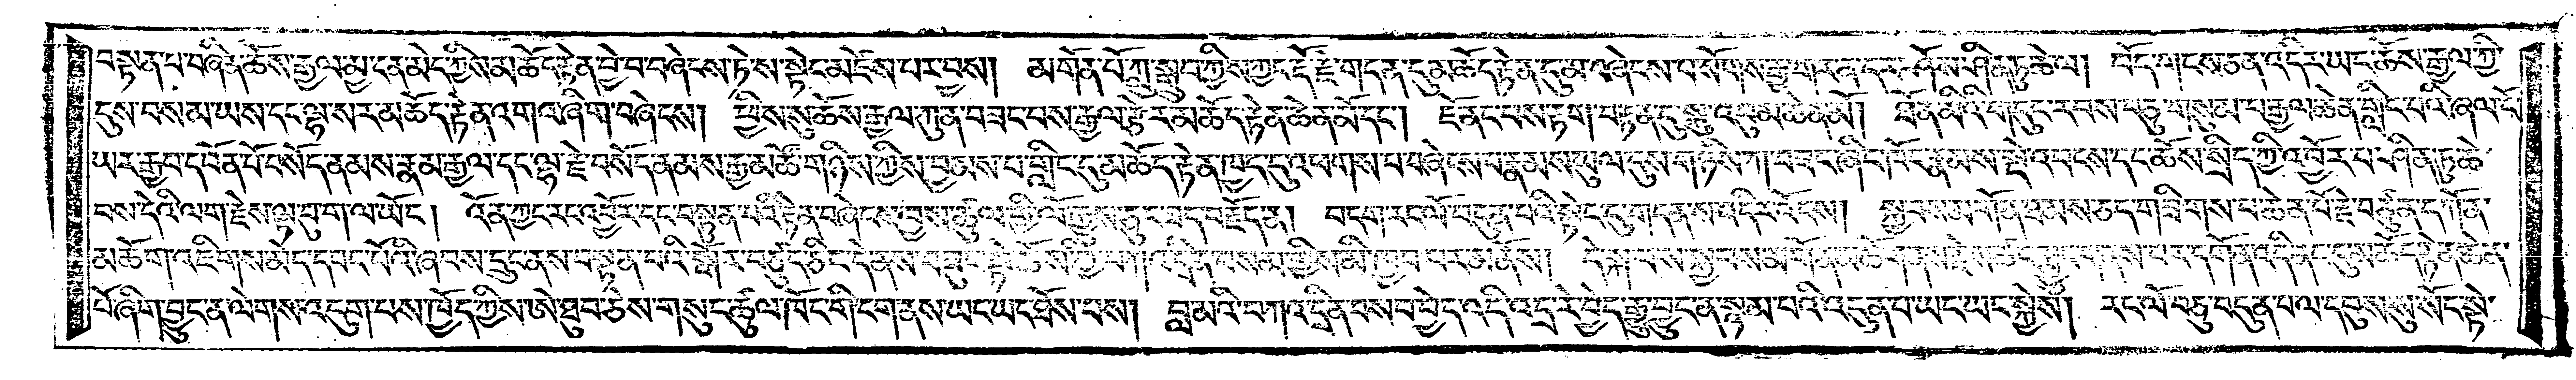བསྟན་པ་བཞིན་ཆོས་རྒྱལ་མྱ་ངན་མེད་ཀྱིས་མཆོད་རྟེན་བྱེ་བ་བཞེངས་ཏེ་ས་སྟེང་མཛེས་པར་བྱས། མགོན་པོ་ཀླུ་སྒྲུབ་ཀྱིས་ཀྱང་རྡོ་རྗེ་གདན་དུ་མཆོད་རྟེན་དུ་མ་བཞེངས་པ་སོགས་རྒྱ་གར་ན་དར་ཤོས་ཤིན་ཏུ་ཆེ་ལ། བོད་གངས་ཅན་འདིར་ཡང་ཆོས་རྒྱལ་ཀྱི་
དུས་བསམ་ཡས་དང་ལྷ་སར་མཆོད་རྟེན་འགའ་ཞིག་བཞེངས། ཕྱིས་སུ་ཆོས་རྒྱལ་ཀུན་བཟང་པས་རྒྱལ་རྩེར་མཆོད་རྟེན་ཆེན་མོ་དང་། ཇོ་ནང་བས་རྟག་བརྟན་དུ་སྐུ་འབུམ་ཆེན་མོ། ཐོན་མིའི་གདུང་རབས་བཅུ་གསུམ་པ་རྒྱལ་ཆེན་གླིང་པའི་ཞལ་ངོ་
ཡར་རྒྱབ་དབོན་པོ་བསོད་ནམས་རྣམ་རྒྱལ་དང་ལྷ་རྗེ་བསོད་ནམས་རྒྱ་མཚོ་གཉིས་ཀྱིས་བྱམས་བ་གླིང་དུ་མཆོད་རྟེན་ཁྱད་དུ་འཕགས་པ་བཞེངས་པ་རྣམས་ཡུལ་དུས་གཉིས་ཀ་བཟང་ཞིང་ཁོང་རྣམས་སྡེ་འབངས་དང་ཆོས་སྲིད་ཀྱི་འབྱོར་པ་ཤིན་ཏུ་ཆེ་
བས་དེའི་ལག་རྗེས་ལྟ་བུ་ག་ལ་ཡོང་། འོན་ཀྱང་རང་འབྱོར་དང་བསྟན་པའི་རྟེན་བཞེངས་བྱས་ཚུལ་གྱི་ལོ་རྒྱུས་ཅུང་ཟད་བརྗོད་ན། བདག་རང་ལོ་བདུན་པའི་སྟེང་དུ་གདན་ས་འདིར་འོངས། སྐྱབས་མགོན་ཐམས་ཅད་གཟིགས་པ་ཆེན་པོ་རྗེ་བཙུན་དཀོན་
མཆོག་འཇིགས་མེད་དབང་པོའི་ཞབས་དྲུང་ནས་བསྟན་པའི་སྒོར་བཙུད་ཅིང་དེ་ནས་བཟུང་སྟེ་ཆོས་ཀྱི་བཀའ་དྲིན་བསམ་གྱིས་མི་ཁྱབ་པར་མནོས། དེ་སྐབས་སྐྱབས་མགོན་མཆོག་ནས་རྗེས་ཚང་སྨྱུང་གནས་པར་དགོན་འདི་ནང་དུ་མཆོད་རྟེན་ཆེན་
པོ་ཞིག་བྱུང་ན་ལེགས་འདུག་པས་ཁྱོད་ཀྱིས་ཨེ་ཐུབ་ཅེས་གསུང་ཚུལ་ཁོང་གི་ངག་ནས་ཡང་ཡང་ཐོས་པས། བླ་མའི་བཀའ་དྲིན་བསབ་བྱེད་འདི་འདྲ་རེ་བྱེད་རྒྱུ་བྱུང་ན་སྙམ་པའི་འདུན་པ་ཡང་ཡང་སྐྱེས། རང་ལོ་བཅུ་བདུན་པ་ལ་དབུས་སུ་སོང་སྟེ་